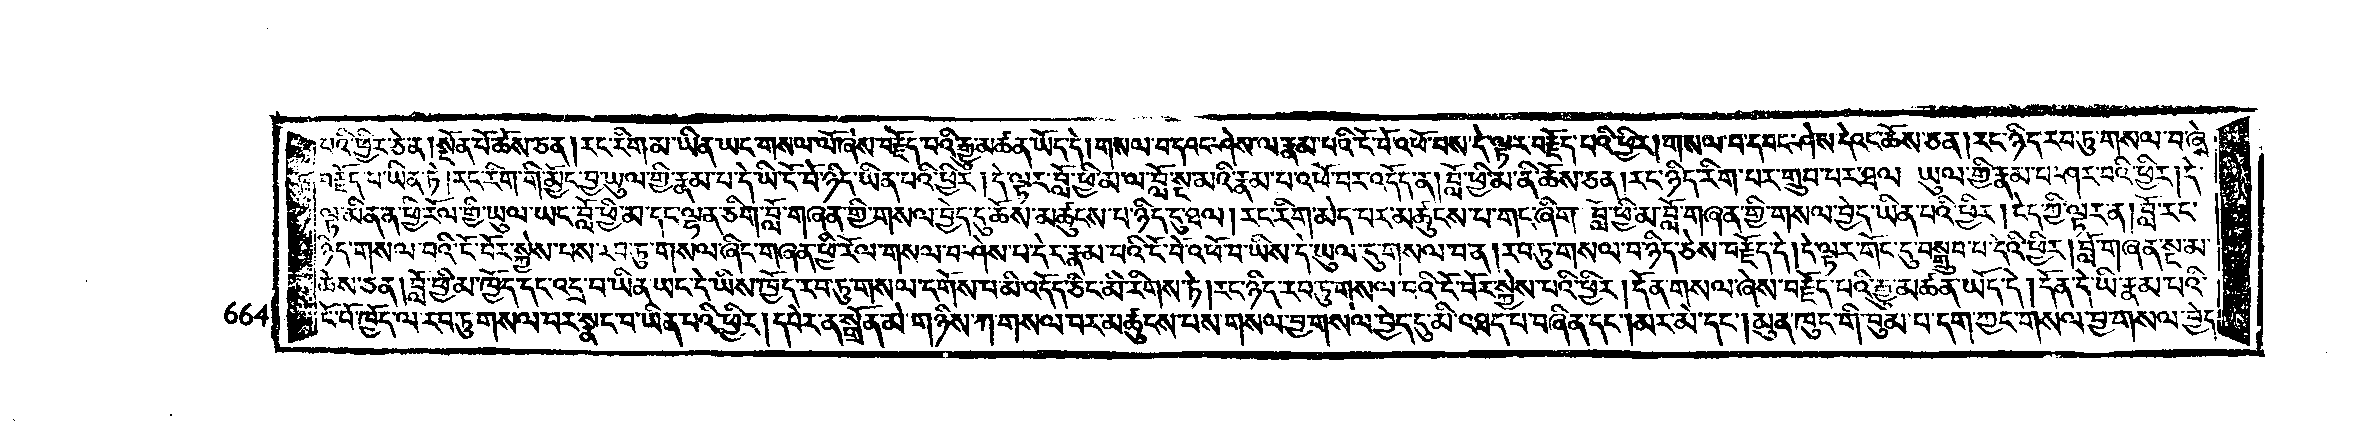པའི་ཕྱིར་ཅེ་ན། སྔོན་པོ་ཆོས་ཅན། རང་རིག་མ་ཡིན་ཡང་གསལ་ལོ་ཞེས་བརྗོད་པའི་རྒྱུ་མཚན་ཡོད་དེ། གསལ་བ་དབང་ཤེས་ལ་རྣམ་པའི་ངོ་བོ་འཕོ་བས་དེ་ལྟར་བརྗོད་པའི་ཕྱིར། གསལ་བ་དབང་ཤེས་དེའང་ཆོས་ཅན། རང་ཉིད་རབ་ཏུ་གསལ་བ་ཞེས་
བརྗོད་པ་ཡིན་ཏེ། རང་རིག་གི་མྱོང་བྱ་ཡུལ་གྱི་རྣམ་པ་དེ་ཡི་ངོ་བོ་ཉིད་ཡིན་པའི་ཕྱིར། དེ་ལྟར་བློ་ཕྱི་མ་ལ་བློ་སྔ་མའི་རྣམ་པ་འཕོ་བར་འདོད་ན། བློ་ཕྱི་མ་ནི་ཆོས་ཅན། རང་ཉིད་རིག་པར་གྲུབ་པར་ཐལ་ཡུལ་གྱི་རྣམ་པ་ཤར་བའི་ཕྱིར། དེ་
ལྟ་མིན་ན་ཕྱི་རོལ་གྱི་ཡུལ་ཡང་བློ་ཕྱི་མ་དང་ལྷན་ཅིག་བློ་གཞན་གྱི་གསལ་བྱེད་དུ་ཆོས་མཚུངས་པ་ཉིད་དུ་ཐལ། རང་རིག་མེད་པར་མཚུངས་པ་གང་ཞིག་བློ་ཕྱི་མ་བློ་གཞན་གྱི་གསལ་བྱེད་ཡིན་པའི་ཕྱིར། ངེད་ཀྱི་ལྟར་ན། བློ་རང་
ཉིད་གསལ་བའི་ངོ་བོར་སྐྱེས་པས་རབ་ཏུ་གསལ་ཞིང་གཞན་ཕྱི་རོལ་གསལ་བ་ཤེས་པ་དེར་རྣམ་པའི་ངོ་བོ་འཕོ་བ་ཡིས་དེ་ཡུལ་དུ་གསལ་བ་ན། རབ་ཏུ་གསལ་བ་ཉིད་ཅེས་བརྗོད་དེ། དེ་ལྟར་གོང་དུ་བསྒྲུབ་པ་དེའི་ཕྱིར། བློ་གཞན་སྔ་མ་
ཆོས་ཅན། བློ་ཕྱི་མ་ཁྱོད་དང་འདྲ་བ་ཡིན་ཡང་དེ་ཡིས་ཁྱོད་རབ་ཏུ་གསལ་དགོས་པ་མི་འདོད་ཅིང་མི་རིགས་ཏེ། རང་ཉིད་རབ་ཏུ་གསལ་བའི་ངོ་བོར་སྐྱེས་པའི་ཕྱིར། དོན་གསལ་ཞེས་བརྗོད་པའི་རྒྱུ་མཚན་ཡོད་དེ། དོན་དེ་ཡི་རྣམ་པའི་
ངོ་བོ་ཁྱོད་ལ་རབ་ཏུ་གསལ་བར་སྣང་བ་ཡིན་པའི་ཕྱིར། དཔེར་ན་སྒྲོན་མེ་གཉིས་ཀ་གསལ་བར་མཚུངས་པས་གསལ་བྱ་གསལ་བྱེད་དུ་མི་འཐད་པ་བཞིན་དང་། མར་མེ་དང་། མུན་ཁུང་གི་བུམ་པ་དག་ཀྱང་གསལ་བྱ་གསལ་བྱེད་